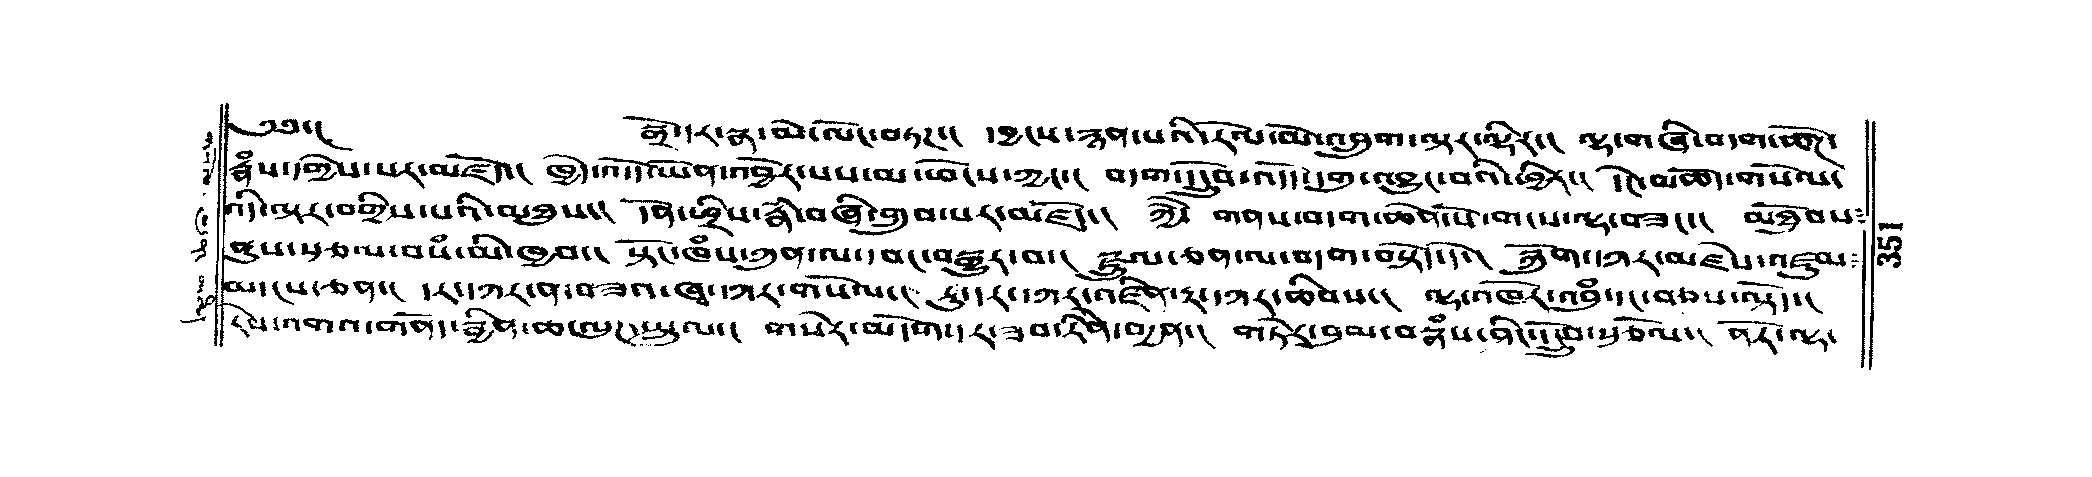སྒྲོ་དར་སྣ་མེ་ལོང་བཏགས། །དབྱངས་་སྙན་པའི་རོལ་མོ་འབྲུག་ལྟར་ལྡིར། །ལྷ་གཞི་བདག་ཚོགས་
རྣམས་དགྱེས་པར་མཛོད། །ཁྱོད་འདོད་ཡོན་འབྱོར་པས་མ་ཕོངས་ཀྱང་། །བདག་དངོས་གྲུབ་འདོད་དགུ་འབྱུང་བའི་ཕྱིར། །དེང་མཆོད་གསོལ་
འདི་ལྟར་བགྱིས་པའི་མཐུས། །དོན་ཕྲིན་ལས་རྣམ་བཞི་གྲུབ་པར་མཛོད། །ཀྱཻ། གནས་བདག་ཆེན་པོ་གངས་ལྷ་བཟང་། །མཐུ་སྟོབས་
ནུས་སྩལ་བསམ་མི་ཁྱབ། །སྟོང་ཁམས་ཀུན་ལ་དབང་བསྒྱུར་བ། །རྫུ་འཕྲུལ་ཅན་ལ་བདག་བསྟོད་དོ། །སྐུ་མདོག་དཀར་མཛེས་འཛུམ་
མདངས་ཅན། །དར་དཀར་ན་བཟའ་ཞྭ་དཀར་གསོལ། །རུ་དར་དཀར་འཛིན་རྟ་དཀར་ཆིབས། །ལྷ་འཁོར་འབུམ་དང་བཅས་ལ་ལྟོས། །
རེས་འགའ་གནོད་སྦྱིན་ཆ་ལུགས་སྤྲུལ། །གསེར་མདོག་དར་ཟབ་རིན་ཆེན་བརྒྱན། །གཏེར་བུམ་བསྣམས་ཤིང་དངོས་གྲུབ་སྩོལ། །ནོར་ལྷ་